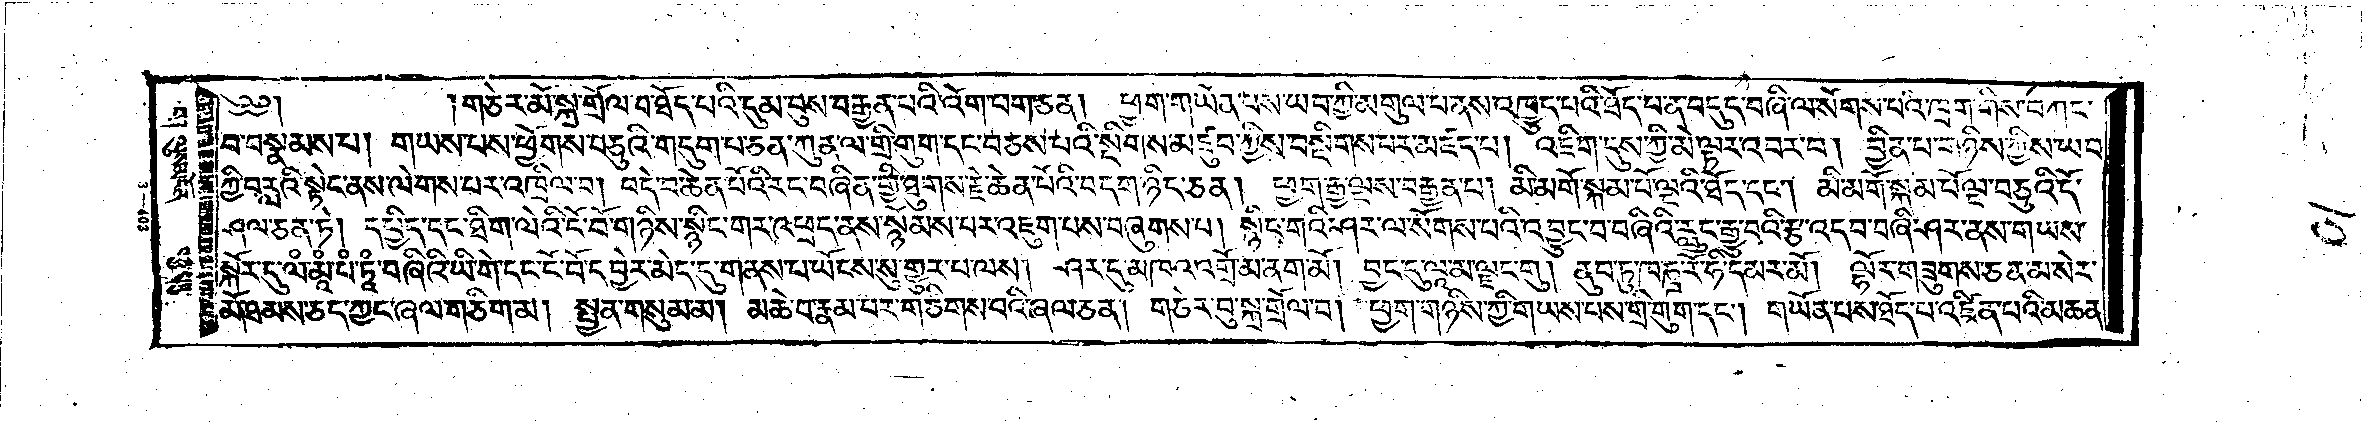༄༅། །གཅེར་མོ་སྐྲ་གྲོལ་བ་ཐོད་པའི་དུམ་བུས་བརྒྱན་པའི་འོག་པག་ཅན། ཕྱག་གཡོན་པས་ཡབ་ཀྱི་མགུལ་པ་ནས་འཁྱུད་པའི་ཐོད་པ་ན་བདུད་བཞི་ལ་སོགས་པའི་ཁྲག་གིས་བཀང་
བ་བསྣམས་པ། གཡས་པས་ཕྱོགས་བཅུའི་གདུག་པ་ཅན་ཀུན་ལ་གྲི་གུག་དང་བཅས་པའི་སྡིགས་མཛུབ་ཀྱིས་བསྡིགས་པར་མཛད་པ། འཇིག་དུས་ཀྱི་མེ་ལྟར་འབར་བ། བྱིན་པ་གཉིས་ཀྱིས་ཡབ་
ཀྱི་བརླའི་སྟེང་ནས་ལེགས་པར་འཁྲིལ་བ། བདེ་བ་ཆེན་པོའི་རང་བཞིན་གྱི་ཐུགས་རྗེ་ཆེན་པོའི་བདག་ཉིད་ཅན། ཕྱག་རྒྱ་ལྔས་བརྒྱན་པ། མི་མགོ་སྐམ་པོ་ལྔའི་ཐོད་དང་། མི་མགོ་སྐམ་པོ་ལྔ་བཅུའི་དོ་
ཤལ་ཅན་ཏེ། དཔྱིད་དང་ཐིག་ལེའི་ངོ་བོ་གཉིས་སྙིང་གར་འཕྲད་ནས་སྙོམས་པར་འཇུག་པས་བཞུགས་པ། སྙིང་གའི་ཤར་ལ་སོགས་པའི་འབྱུང་བ་བཞིའི་རླུང་རྒྱུ་བའི་རྩ་འདབ་བཞི་ཤར་ནས་གཡས་
སྐོར་དུ་ལཾ་མཱཾ་པཾ་ཏཱཾ་བཞིའི་ཡི་གེ་དང་ངོ་བོ་དབྱེར་མེད་དུ་གནས་པ་ཡོངས་སུ་གྱུར་པ་ལས། ཤར་དུ་མཁའ་འགྲོ་མ་ནག་མོ། བྱང་དུ་ལཱ་མ་ལྗང་གུ། ནུབ་ཏུ་ཁཎྜ་རོ་ཧི་དམར་མོ། ལྷོར་གཟུགས་ཅན་མ་སེར་
མོ༑ ཐམས་ཅད་ཀྱང་ཞལ་གཅིག་མ། སྤྱན་གསུམ་མ། མཆེ་བ་རྣམ་པར་གཟིགས་བའི་ཞལ་ཅན། གཅེར་བུ་སྐྲ་གྲོལ་བ། ཕྱག་གཉིས་ཀྱི་གཡས་པས་གྲི་གུག་དང་། གཡོན་པས་ཐོད་པ་འཛིན་པའི་མཆན་